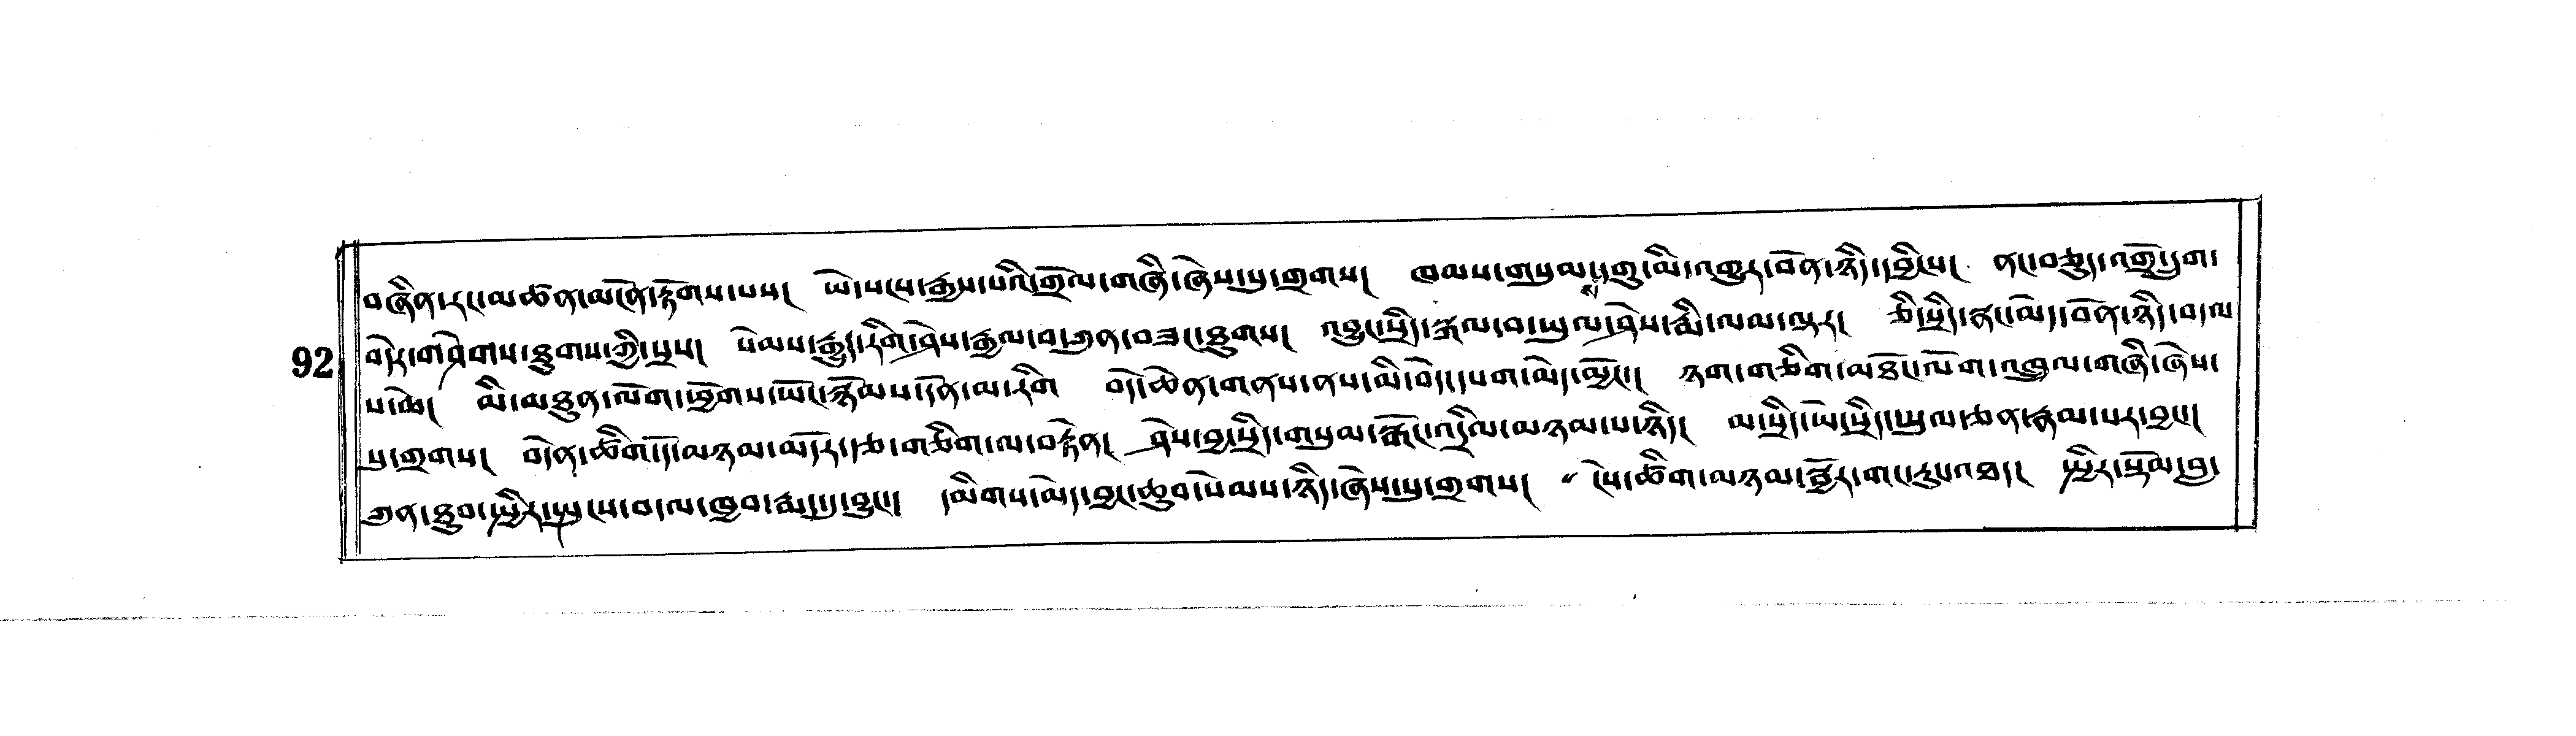བཞིན་རང་མཚན་མངོན་རྟོགས་པས། ཡེ་སངས་རྒྱས་པའི་གྲོལ་གཞི་ཞེས་སུ་གྲགས། ཁམས་གསུམ་ས་དགུ་མི་འགྱུར་བོན་ཉིད་དབྱིངས། ནང་བཅུད་འགྲོ་དྲུག་
བདེར་གཤེགས་ཐུགས་ཀྱི་སྲས། སེམས་རྒྱུད་རིག་ཤེས་རྒྱལ་བ་ཀུན་བཟང་ཐུགས། འབྱུང་སྲིད་སྐལ་བ་ཡུལ་ཤེས་རྨི་ལམ་ལྟར། ཅི་སྲིད་སྣང་མེད་བོན་ཉིད་བདལ་
པ་ཆེ། མི་མཐུན་ལོག་ཕྱོགས་ཡོངས་སྙོམས་དོན་མ་རིག བདེ་ཆེན་གནས་ནས་མི་བདེ་དཔག་མེད་མྱོང་། ཉག་གཅིག་མཐོང་ལོག་འཁྲུལ་གཞི་ཞེས་
སུ་གྲགས། བདེན་ཚིག་དོར་མཉམ་མདོར་རྩ་གཅི་ལ་བརྟེན། ཤེས་བྱ་སྲིད་གསུམ་སྒོང་འདྲིལ་མཉམ་པ་ཉིད། མ་སྲིད་ཡེ་སྲིད་ཡུལ་ཅན་རྣམ་པར་བྱང་། 
ཀུན་ཐུབ་སྤྱིར་སྤུངས་བདལ་ཁྱབ་རྨད་དུ་བྱུང་། དམིགས་མེད་བྱང་ཆུབ་སེམས་ཉིད་ཞེས་སུ་གྲགས། ༧ ངེས་ཚིག་མཉམ་སྦྱོར་གང་རུང་འཐད། སྤྱིིར་སྡོམ་བླ་